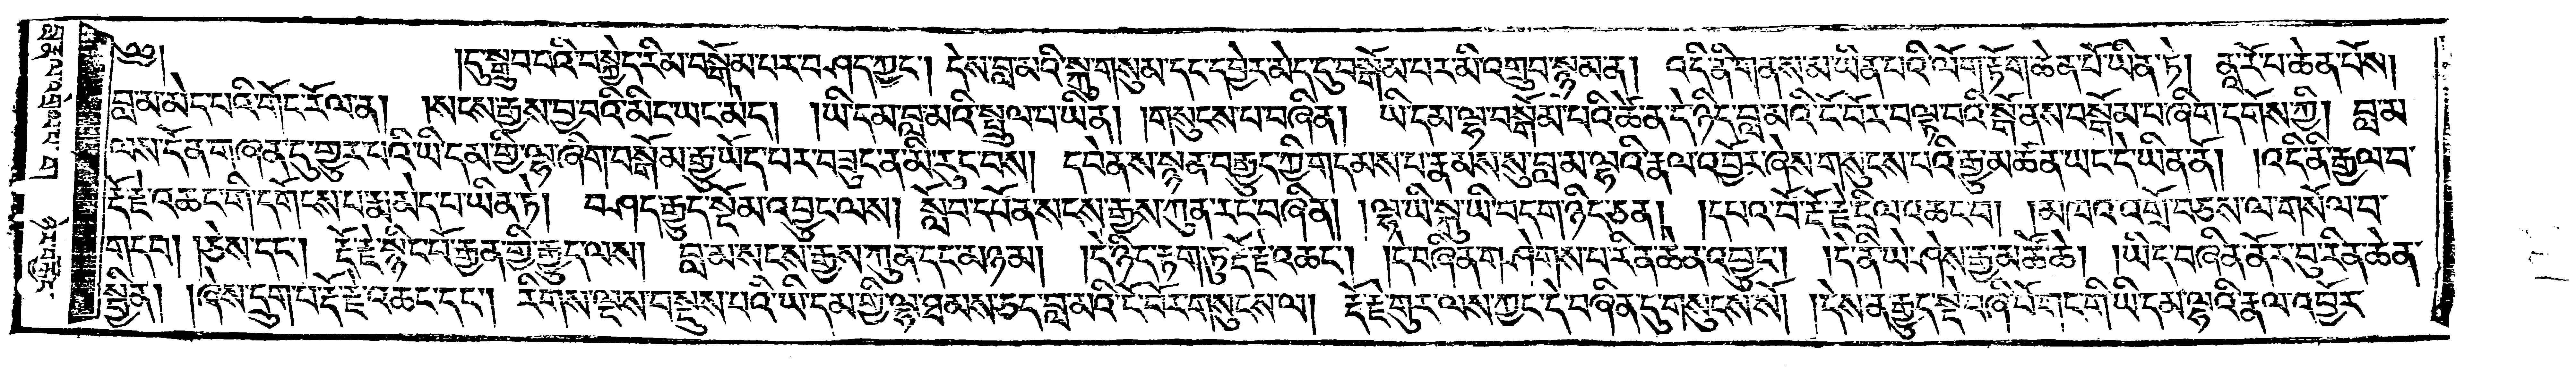༄༅། །དུ་སྒྲུབ་བའི་བསྐྱེད་རིམ་བསྒོམ་པར་བཤད་ཀྱང་། དེས་བླ་མའི་སྐུ་གསུམ་དང་དབྱེར་མེད་དུ་བསྒོམ་པར་མི་འགྲུབ་སྙམ་ན། འདི་ནི་གནས་མ་ཡིན་པའི་ལོག་རྟོག་ཆེན་པོ་ཡིན་ཏེ། ནཱ་རོ་པ་ཆེན་པོས།
བླ་མ་མེད་པའི་གོང་རོལ་ན། །སངས་རྒྱས་བྱ་བའི་མིང་ཡང་མེད། །ཡི་དམ་བླ་མའི་སྤྲུལ་བ་ཡིན། །གསུངས་པ་བཞིན། ཡི་དམ་ལྷ་བསྒོམ་པའི་ཚེ་ན་དེ་ཉིད་བླ་མའི་ངོ་བོར་བལྟ་བའི་སྒོ་ནས་བསྒོམ་པ་ཞིག་དགོས་ཀྱི། བླ་མ་
ལས་དོན་གཞན་དུ་གྱུར་པའི་ཡི་དམ་གྱི་ལྷ་ཞིག་བསྒོམ་རྒྱུ་ཡོད་བར་བཟུང་ན་མི་རུང་བས། དབེན་ས་སྙན་བརྒྱུད་ཀྱི་གདམས་པ་རྣམས་སུ་བླ་མ་ལྷའི་རྣལ་འབྱོར་ཞེས་གསུངས་པའི་རྒྱུ་མཚན་ཡང་དེ་ཡིན་ནོ། །འདི་ནི་རྒྱལ་བ་
རྡོ་རྗེ་འཆང་གི་དགོངས་པ་རྨ་མེད་པ་ཡིན་ཏེ། བཤད་རྒྱུད་སྔོམ་འབྱུང་ལས། སློབ་དཔོན་སངས་རྒྱས་ཀུན་རང་བཞིན། །ལྷ་ཡི་སྐུ་ཡི་བདག་ཉིད་ཅན། །དཔའ་བོ་རྡོ་རྗེ་དྲིལ་འཆང་བ། །མཁའ་འགྲོ་བཅས་ལ་གསོལ་བ་
གདབ། །ཅེས་དང་། རྡོ་རྗེ་སྙིང་པོ་རྒྱན་གྱི་རྒྱུད་ལས། བླ་མ་སངས་རྒྱས་ཀུན་དང་མཉམ། །དེ་ཉིད་རྟག་ཏུ་རྡོ་རྗེ་འཆང་། །དེ་བཞིན་གཤེགས་པ་རིན་ཆེན་འབྱུང་། །དེ་ནི་ཡེ་ཤེས་རྒྱ་མཚོ་ཆེ། །ཡིད་བཞིན་ནོར་བུ་རིན་ཆེན་
སྦྱིན། །ཞེས་དྲུག་པ་རྡོ་རྗེ་འཆང་དང་། རིགས་ལྔས་བསྡུས་པའི་ཡི་དམ་གྱི་ལྷ་ཐམས་ཅད་བླ་མའི་ངོ་བོ་གསུངས་ལ། རྡོ་རྗེ་གུར་ལས་ཀྱང་དེ་བཞིན་དུ་གསུངས་སོ། །དེས་ན་རྒྱུད་སྡེ་བཞི་པོ་གང་གི་ཡི་དམ་ལྷའི་རྣལ་འབྱོར་